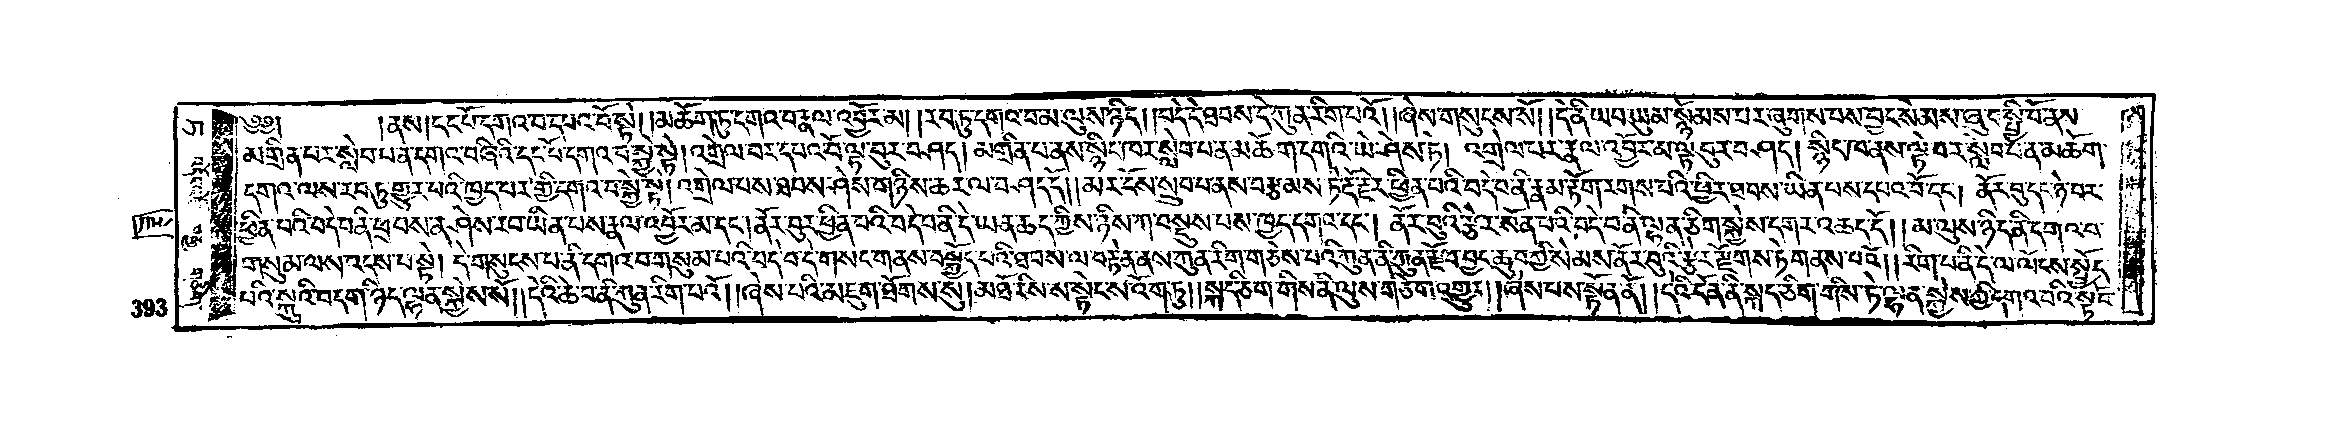༄༅། །ནས། དང་པོ་དགའ་བ་དཔའ་བོ་སྟེ། །མཆོག་ཏུ་དགའ་བ་རྣལ་འབྱོར་མ། །རབ་ཏུ་དགའ་བ་མ་ལུས་ཉིད། །བདེ་དེ་ཐབས་དེ་ཀུན་རིག་པའོ། །ཞེས་གསུངས་སོ། །དེ་ནི་ཡབ་ཡུམ་སྙོམས་པར་ཞུགས་པས་བྱང་སེམས་ཞུ་བ་སྤྱི་བོ་ནས་
མགྲིན་པར་སླེབ་པ་ན་དགའ་བཞིའི་དང་པོ་དགའ་བ་སྐྱེ་སྟེ། འགྲེལ་བར་དཔའ་བོ་ལྟ་བུར་བཤད། མགྲིན་པ་ནས་སྙིང་ཁར་སླེབ་པ་ན་མཆོག་དགའི་ཡེ་ཤེས་ཏེ། འགྲེལ་པར་རྣལ་འབྱོར་མ་ལྟ་བུར་བཤད། སྙིང་ཁ་ནས་ལྟེ་བར་སླེབ་པ་ན་མཆོག་
དགའ་ལས་རབ་ཏུ་གྱུར་པའི་ཁྱད་པར་གྱི་དགའ་བ་སྐྱེ་སྟེ། འགྲེལ་པས་ཐབས་ཤེས་གཉིས་ཆར་ལ་བཤད་དོ། །མར་ངོས་སྲུབ་པ་ནས་བརྩམས་ཏེ་རྡོ་རྗེར་ཕྱིན་པའི་བདེ་བ་ནི་རྣམ་རྟོག་རགས་པའི་ཕྱིར་ཐབས་ཡིན་པས་དཔའ་བོ་དང་། ནོར་བུ་དང་ཉེ་བར་
ཕྱིན་པའི་བདེ་བ་ནི་ཕྲ་བས་ན་ཤེས་རབ་ཡིན་པས་རྣལ་འབྱོར་མ་དང་། ནོར་བུར་ཕྱིན་པའི་བདེ་བ་ནི་དེ་ཡན་ཆད་ཀྱིས་ཉིས་ཀ་བསྡུས་པས་ཁྱད་དགའ་དང་། ནོར་བུའི་རྩེར་སོན་པའི་བདེ་བ་ནི་ལྷན་ཅིག་སྐྱེས་དགར་འཆད་དོ། །མ་ལུས་ཉིད་ནི་དགའ་བ་
གསུམ་ལས་འདས་པ་སྟེ། དེ་གསུངས་པ་ནི་དགའ་བ་གསུམ་པའི་བདེ་བ་དེ་གསང་གནས་བསྐྱོད་པའི་ཐབས་ལ་བརྟེན་ནས་ཀུན་རིག་གཅེས་པའི་ཀུན་ནི་ཀུན་རྫོབ་བྱང་ཆུབ་ཀྱི་སེམས་ནོར་བུའི་རྩེར་རྫོགས་ཏེ་གནས་པའོ། །རིག་པ་ནི་དེ་ལ་ལོངས་སྤྱོད་
པའི་སྐུའི་བདག་ཉིད་ལྷན་སྐྱེས་སོ། །དེའི་ཆེ་བ་ནི་ཀུན་རིག་པའོ། །ཞེས་པའི་མཇུག་ཐོགས་སུ། མཐོ་རིས་ས་སྟེང་འོག་ཏུ། །སྐད་ཅིག་གིས་ནི་ལུས་གཅིག་འགྱུར། །ཞེས་པས་སྟོན་ནོ། །དེའི་དོན་ནི་སྐད་ཅིག་གིས་ཏེ་ལྷན་སྐྱེས་ཀྱི་དགའ་བའི་སྟོབས་